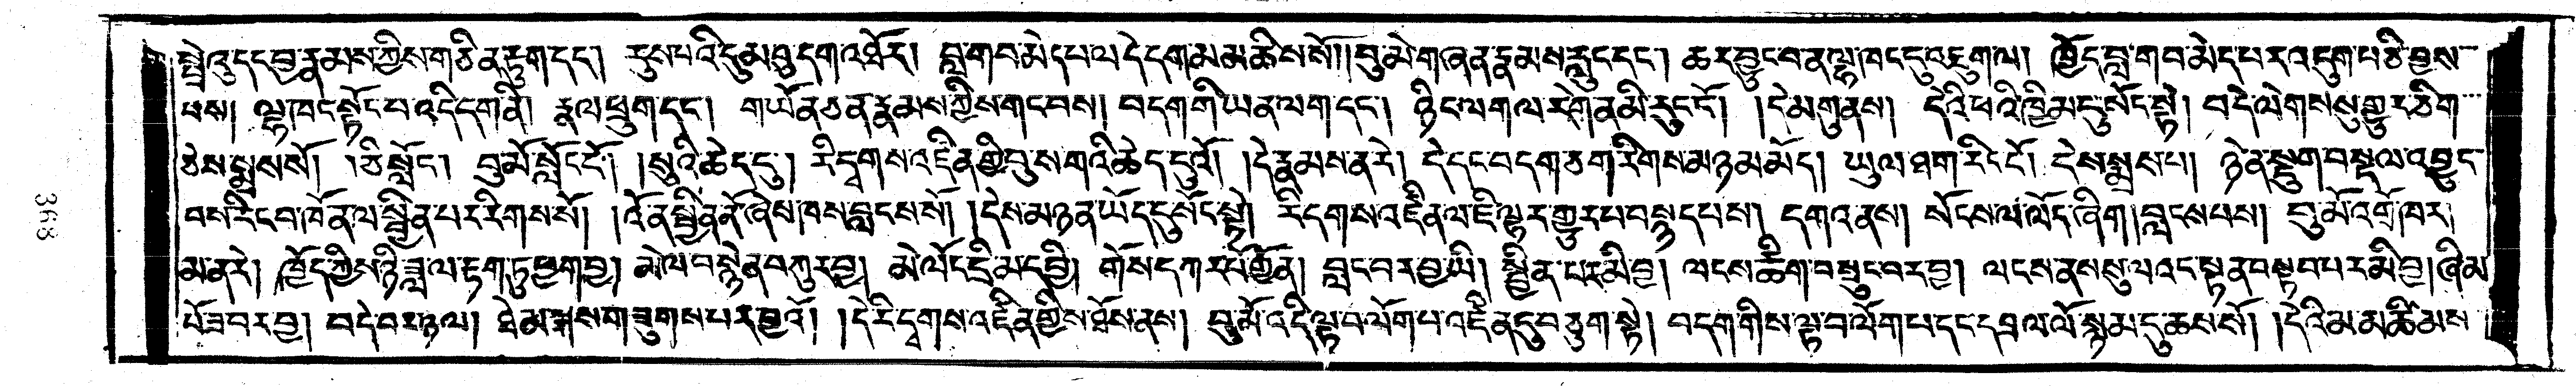སྤྲེའུ་དང་བྱ་རྣམས་ཀྱིས་གཅིན་རྟུག་དང་། རུས་པའི་དུམ་བུ་དག་འཐོར། བླ་གབ་མེད་པ་ལ་དེ་དག་མ་མཆིས་སོ། །བུ་མོ་གཞན་རྣམས་རླུང་དང་། ཆར་བྱུང་བ་ན་ལྷ་ཁང་དུ་འཇུག་ལ། ཁྱོད་བླ་གབ་མེད་པར་འདུག་པ་ཅི་བྱས་
པས། ལྷ་ཁང་སྟོང་བ་འདི་དག་ནི། རྣལ་ཕྲུག་དང་། གཡོན་ཅན་རྣམས་ཀྱིས་གང་བས། བདག་གི་ཡན་ལག་དང་། ཉིང་ལག་ལ་རེག་ན་མི་རུང་ངོ། །དེ་མགུ་ནས། དེའི་ཕའི་ཁྱིམ་དུ་སོང་སྟེ། བདེ་ལེགས་སུ་གྱུར་ཅིག་
ཅེས་སྨྲས་སོ། །ཅི་སློང་། བུ་མོ་སློང་ངོ། །སུའི་ཆེད་དུ། རི་དྭགས་འཛིན་གྱི་བུ་ས་གའི་ཆེད་དུའོ། །དེ་རྣམས་ན་རེ། དེ་དང་བདག་ཅག་རིགས་མཉམ་མོད། ཡུལ་ཐག་རིང་ངོ། དེས་སྨྲས་པ། ཉེ་ན་སྡུག་བསྔལ་འབྱུང་
བས་རིང་བ་ཁོ་ན་ལ་སྦྱིན་པར་རིགས་སོ། །འོ་ན་སྦྱིན་ནོ་ཞེས་ཁས་བླངས་སོ། །དེས་མཉན་ཡོད་དུ་སོང་སྟེ། རི་དགས་འཛིན་ལ་ཇི་ལྟར་གྱུར་པ་བསྙད་པས། དགའ་ནས། སོངས་ལ་ལོང་ཞིག །བླངས་པས། བུ་མོ་འགྲོ་ཁར།
མ་ན་རེ། ཁྱོད་ཀྱིས་ཉི་ཟླ་ལ་རྟག་ཏུ་ཕྱག་བྱ། མེ་ལ་བསྙེན་བཀུར་བྱ། མེ་ལོང་དྲི་མ་དབྱི། གོས་དཀར་པོ་གྱོན། བླང་བར་བྱ་ཡི། སྦྱིན་པར་མི་བྱ། ལངས་ཚིག་བསྲུང་བར་བྱ། ལངས་ནས་སུ་ལའང་སྟན་བསྟབ་པར་མི་བྱ། ཞིམ་
པོ་ཟ་བར་བྱ། བདེ་བར་ཉལ། ཐེམ་སྐས་གཟུགས་པར་བྱའོ། །དེ་རི་དྭགས་འཛིན་གྱིས་ཐོས་ནས། བུ་མོ་འདི་ལྟ་བ་ལོག་པ་འཛིན་དུ་བཅུག་སྟེ། བདག་གིས་ལྟ་བ་ལོག་པ་དང་དབྲལ་ལོ་སྙམ་དུ་ཆས་སོ། །དེའི་མ་མཚིམས་